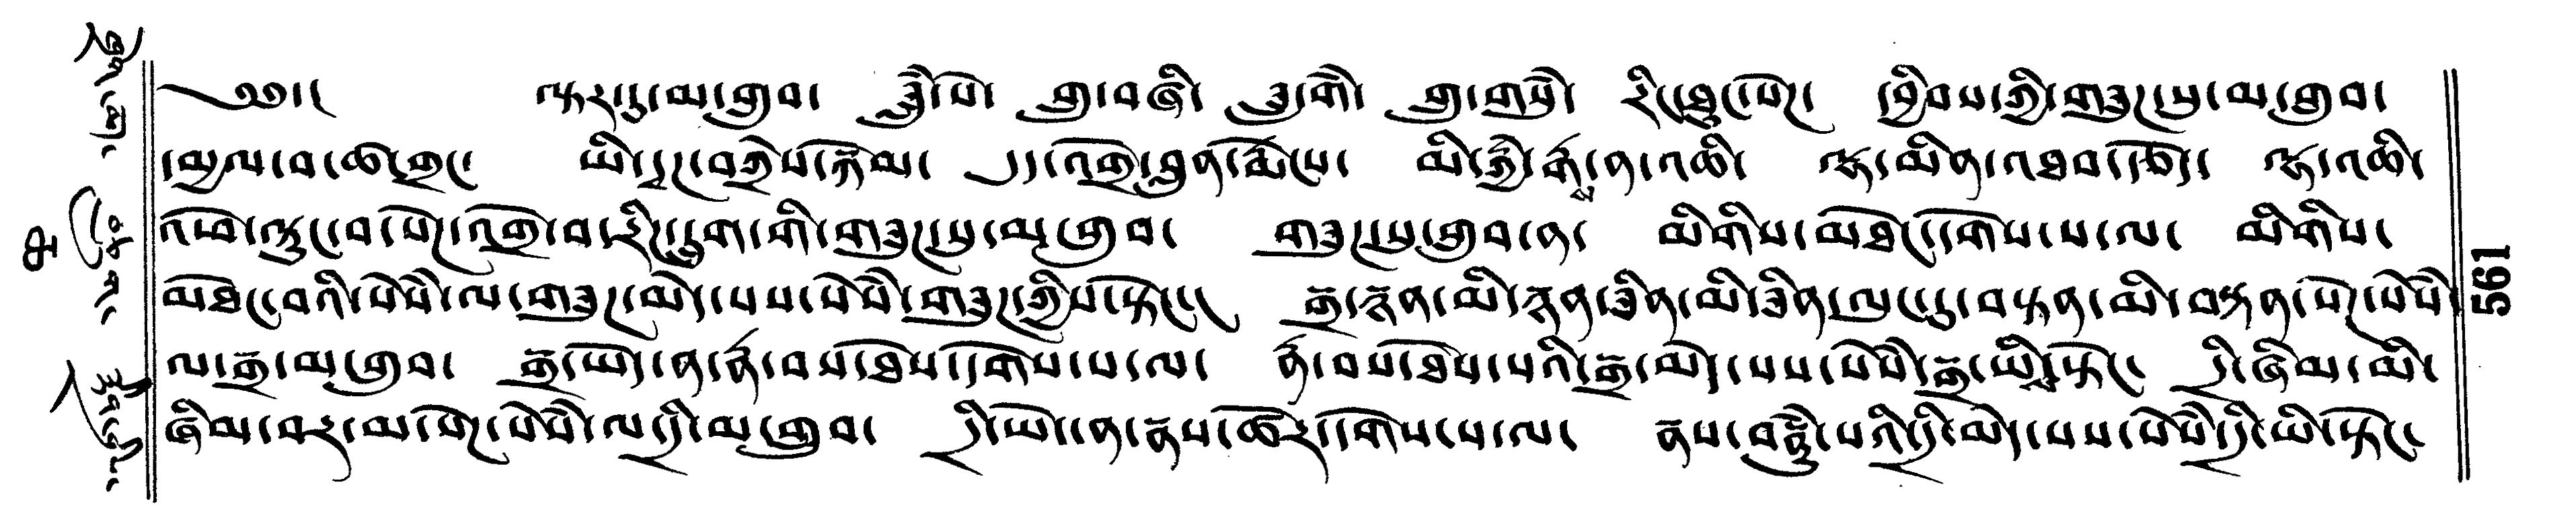ལྟར་དུ་མ་གྲུབ། ཟླུམ་པོ། གྲུ་བཞི། ཟླ་གམ། གྲུ་གསུམ། རིང་ཐུང་སོགས། དབྱིབས་ཀྱི་གཟུགས་སུ་མ་གྲུབ། 
དམྱལ་བ་ཚ་གྲང་། ཡི་དྭགས་བཀྲེས་སྐོམ། དུད་འགྲོ་བླུན་རྨོངས། མི་སྐྱེ་རྒ་ན་འཆི།ལྷ་མིན་འཐབ་རྩོད། ལྷ་འཆི་
འཕོ་ལྟུང་བ་སོགས་འགྲོ་བ་རིགས་དྲུག་གི་གཟུགས་སུ་མ་གྲུབ། གཟུགས་སུ་གྲུབ་ན། མིག་གིས་མཐོང་དགོས་པ་ལ། མིག་གིས་
མཐོང་བའི་སེམས་ལ་གཟུགས་མེད་པས་སེམས་གཟུགས་ཀྱིས་སྟོང་། སྒྲ་སྙན་མི་སྙན་ཟིན་མ་ཟིན་ལུང་དུ་སྟོན་མི་སྟོན་སོགས་སེམས་
ལ་སྒྲ་མ་གྲུབ། སྒྲ་ཡོད་ན་རྣ་བས་ཐོས་དགོས་པ་ལ། རྣ་བས་ཐོས་པའི་སྒྲ་མེད་པས་སེམས་སྒྲ་ཡིས་སྟོང་། དྲི་ཞིམ་མི་
ཞིམ་བར་མ་སོགས་སེམས་ལ་དྲི་མ་གྲུབ། དྲི་ཡོད་ན་སྣས་ཚོར་དགོས་པ་ལ། སྣས་བསྣོམ་པའི་དྲི་མེད་པས་སེམས་དྲི་ཡིས་སྟོང་།